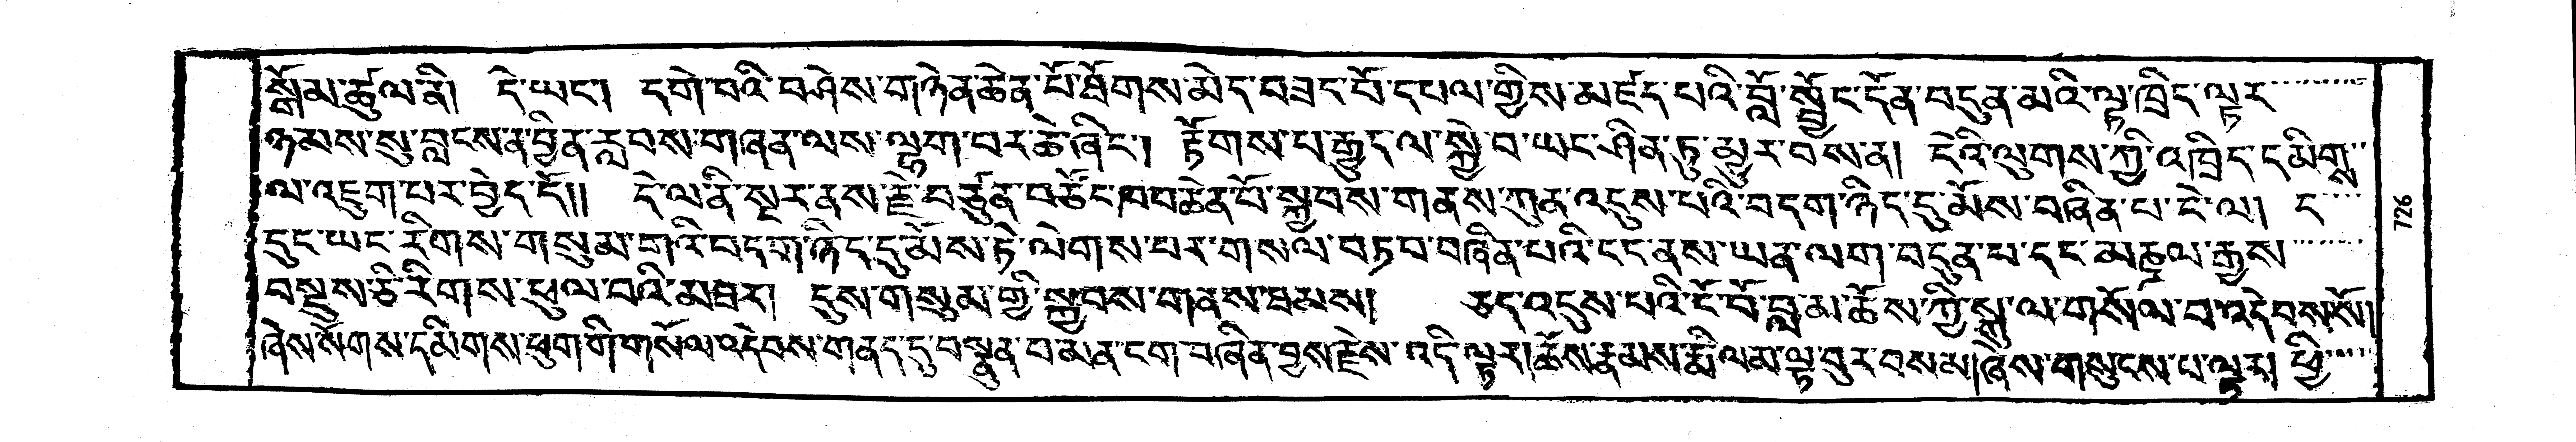སྒོམ་ཚུལ་ནི། དེ་ཡང་། དགེ་བའི་བཤེས་གཉེན་ཆེན་པོ་ཐོགས་མེད་བཟང་པོ་དཔལ་གྱིས་མཛད་པའི་བློ་སྦྱོང་དོན་བདུན་མའི་ལྟ་ཁྲིད་ལྟར་
ཉམས་སུ་བླངས་ན་བྱིན་རླབས་གཞན་ལས་ལྷག་པར་ཆེ་ཞིང་། རྟོགས་པ་རྒྱུད་ལ་སྐྱེ་བ་ཡང་ཤིན་ཏུ་མྱུར་བས་ན། དེའི་ལུགས་ཀྱི་འཁྲིད་དམིགས་
ལ་འཇུག་པར་བྱེད་དོ། །དེ་ལ་ནི་སྔར་ནས་རྗེ་བཙུན་བཙོང་ཁ་པ་ཆེན་པོ་སྐྱབས་གནས་ཀུན་འདུས་པའི་བདག་ཉིད་དུ་མོས་བཞིན་པ་དེ་ལ། ད་
དུང་ཡང་རིགས་གསུམ་གའི་བདག་ཉིད་དུ་མོས་ཏེ་ལེགས་པར་གསལ་བཏབ་བཞིན་པའི་ངང་ནས་ཡན་ལག་བདུན་པ་དང་མཎྜལ་རྒྱས་
བསྡུས་ཅི་རིགས་ཕུལ་བའི་མཐར། དུས་གསུམ་གྱི་སྐྱབས་གནས་ཐམས། ཅད་འདུས་པའི་ངོ་བོ་བླ་མ་ཆོས་ཀྱི་སྐུ་ལ་གསོལ་བ་འདེབས་སོ།
ཞེས་སོགས་དམིགས་ཕུག་གི་གསོལ་འདེབས་གནད་དུ་བསྣུན་པ་མན་ངག་བཞིན་བྱས་རྗེས་འདི་ལྟར། ཆོས་རྣམས་རྨི་ལམ་ལྟ་བུར་བསམ། ཞེས་གསུངས་པ་ལྟར། ཕྱི་